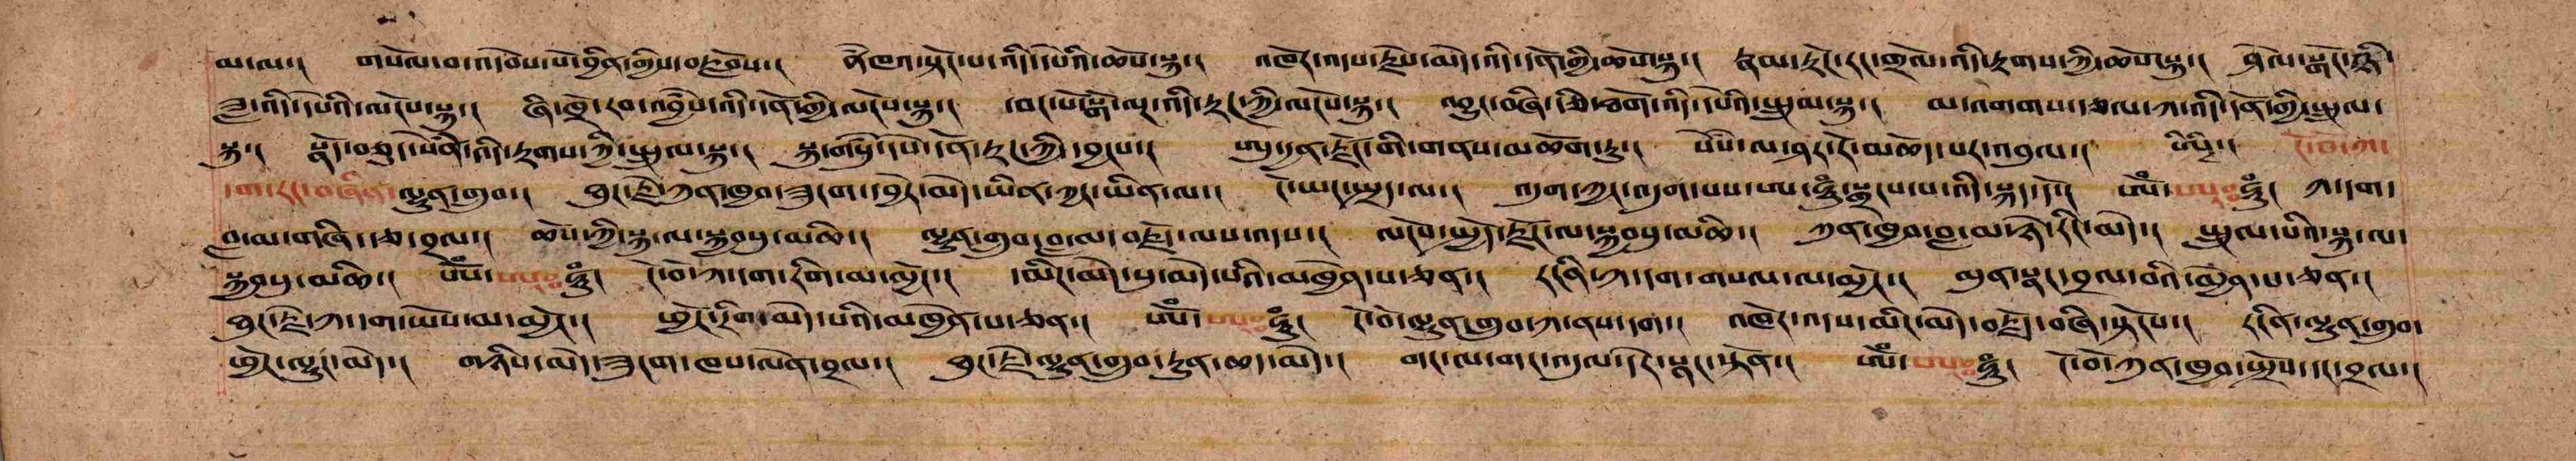མ་ལ། གསོལ་བ་འདེབས་སོ་བྱིན་གྱིས་བརློབས། ནམ་མཁའ་སྟོང་པ་འདི་དཔེའི་ཆོས་སྐུ། འཁོར་འདས་རྗེས་མེད་འདི་དོན་ཀྱི་ཆོས་སྐུ། རྣམ་རྟོགས་རང་གྲོལ་འདི་རྟགས་ཀྱི་ཆོས་སྐུ། ཤེལ་སྒོང་ཉི་
ཟླ་འདི་དཔེའི་ལོངས་སྐུ། ཞི་ཁྲོ་རབ་འབྱམས་འདི་དོན་གྱི་ལོངས་སྐུ། དབང་པོ་སྒོ་ལྔ་འདི་རྟགས་ཀྱི་ལོངས་སྐུ། འབྱུང་བཞི་རྩི་ཐོག་འདི་དཔེའི་སྤྲུལ་སྐུ། མ་འགགས་རྩལ་ཀ་འདི་དོན་གྱི་སྤྲུལ་
སྐུ། སྣོད་བཅུད་སེམས་ཅན་འདི་རྟགས་ཀྱི་སྤྲུལ་སྐུ། སྐུ་གསུམ་དཔེ་དོན་རྟགས་ཀྱི་དབྱངས། ཨུ་རྒྱན་རྫོང་གི་གནས་མཆོག་ཏུ། སེམས་ལ་ཤར་རོ་མཆོད་པར་འབུལ། ཨིཊི། ངོ་བོ་ཀ་
དག་རང་བཞིན་ལྷུན་གྲུབ། ཐུགས་རྗེ་ཀུན་ཁྱབ་ཟུང་འཇུག་དབྱེར་མེད་ཡིན་ཀྱང་ཡིན་ལ། ངོ་ཡང་སྤྲད་ལ། འདུག་ཀྱང་འདུག་པས་ཨ་ཞུམ་སྒྲངས་པ་འདི་སྐད་དོ། ཨོཾ་ཨཿཧཱུཾ། ཀ་དག་
བླ་མ་གཞི་རྩ་བྲལ། ཆོས་ཀྱི་སྐུ་ལ་སྐྱབས་སུ་མཆི། ལྷུན་གྲུབ་བླ་མ་བརྗོད་ལས་འདས། ལོངས་སྤྱོད་རྫོགས་ལ་སྐྱབས་སུ་མཆི། ཀུན་མཁྱེན་བླ་མ་ཉེ་རིང་མེད། སྤྲུལ་པའི་སྐུ་ལ་
སྐྱབས་སུ་མཆི། ཨོཾ་ཨཿཧཱུཾ། ངོ་བ་ཀ་དག་རིག་མ་མྱོང་། དམིགས་མེད་སུ་མེད་པའི་མཁྱེན་པ་ཅན། རང་བཞིན་ཀ་དག་གསལ་ལ་མྱོང་། མུན་སྣང་བྲལ་བའི་མྱེན་པ་ཅན། 
ཐུགས་རྗེ་ཀ་དག་ཡོས་མ་མྱོང་། ཕྱོགས་རིས་མེད་པའི་མཁྱེན་པ་ཅན། ཨོཾ་ཨཿཧཱུཾ། ངོ་བོ་ལྷུན་གྲུབ་ཀ་ནས་དག། འཁོར་འདས་མིང་མེད་བརྗོད་བཞི་སྟོངས། རང་བཞིན་ལྷུན་གྲུབ་
ཕྱོགས་ལྷུང་མེད། གཉིས་མེད་ཟུང་འཇུག་ཁས་ལེན་བྲལ། ཐུགས་རྗེ་ལྷུན་གྲུབ་རྒྱུན་ཆད་མེད། གང་ལ་གང་འདུལ་དེར་སྣང་སྟོན། ཨོཾ་ཨཿཧཱུཾ། ངོ་བོ་ཀུན་ཁྱབ་སྤྲོས་དང་བྲལ།